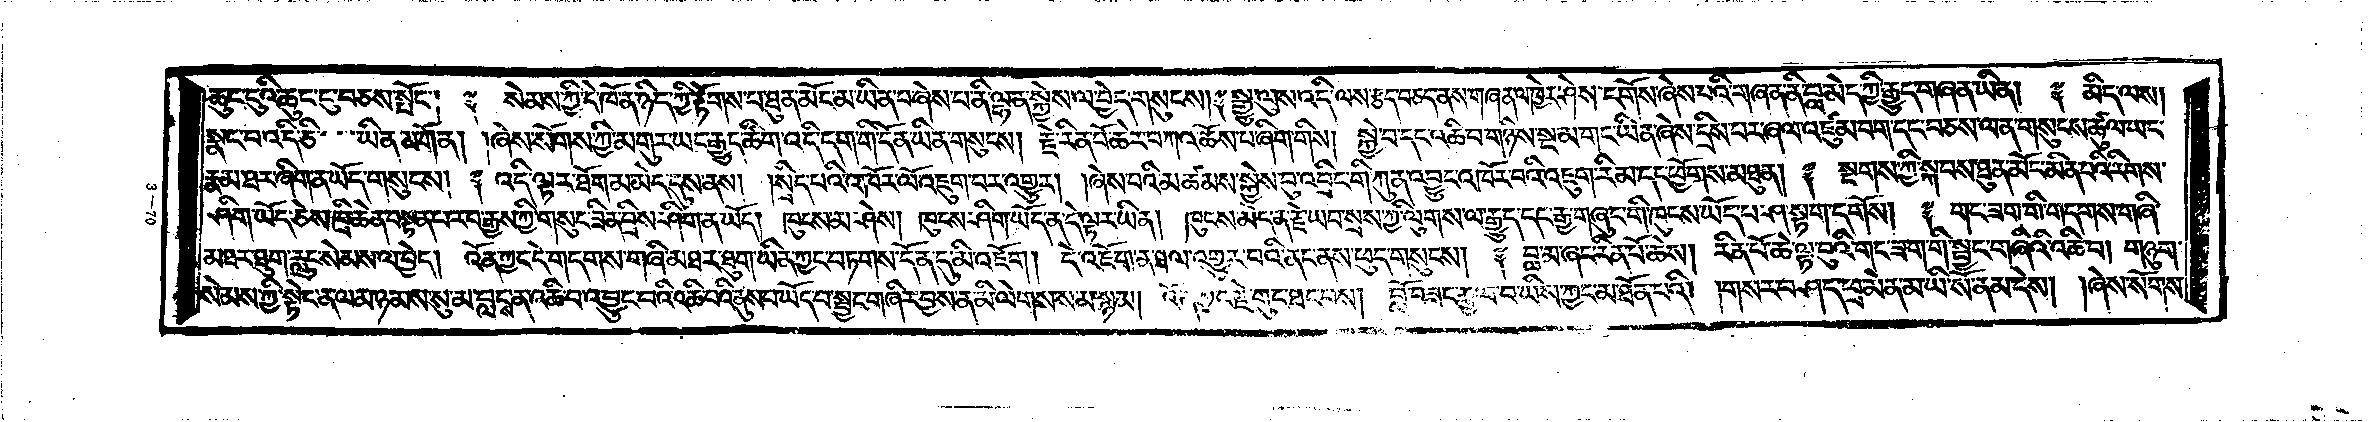ཆུང་དུའི་ཆུང་དུ་བཅས་སྤོང་། ༈ སེམས་ཀྱི་དེ་ཁོ་ན་ཉིད་ཀྱི་རྟོགས་པ་ཐུན་མོང་མ་ཡིན་པ་ཞེས་པ་ནི་ལྷན་སྐྱེས་ལ་བྱེད་གསུངས། ༈ སྒྱུ་ལུས་འདི་ལས་རྩད་བཅད་ནས་གཞན་ལ་ཁྱེར་ཤེས་དགོས་ཞེས་པའི་གཞན་ནི་བླ་མེད་ཀྱི་རྒྱུད་གཞན་ཡིན། ༈ མིད་པས?
སྣང་བ་འདི་ཅི་ཡིན་མགོན། །ཞེས་སོགས་ཀྱི་མགུར་ཡང་རྒྱུད་ཚིག་འདི་དག་གི་དོན་ཡིན་གསུངས། རྗེ་རིན་པོ་ཆེར་བཀའ་ཆོས་པ་ཞིག་གིས། སྐྱེ་བ་དང་འཆི་བ་གཉིས་སྔ་མ་གང་ཡིན་ཞེས་དྲིས་པར་ཞལ་འཛུམ་བག་དང་བཅས་ལན་གསུངས་ཚུལ་ཡང་
རྣམ་ཐར་ཞིག་ན་ཡོད་གསུངས། ༈ འདི་ལྟར་ཐོག་མ་མེད་དུས་ནས། །སྲིད་པའི་འཁོར་ལོ་འཇུག་པར་འགྱུར། །ཞེས་པའི་མཚམས་སྐྱེས་བུ་འབྲིང་གི་ཀུན་འབྱུང་འཁོར་བའི་འཇུག་རིམ་དང་ཕྱོགས་མཐུན། ༈ སྔགས་ཀྱི་སྐབས་ཐུན་མོང་མིན་པའི་རིགས་
ཤིག་ཡོད་ཅེས་ཁྲི་ཆེན་བསྟན་པ་རབ་རྒྱས་ཀྱི་གསུང་ཟིན་བྲིས་ཤིག་ན་ཡོད། ཁུངས་མ་ཤེས། ཁུངས་ཤིག་ཡོད་ན་དེ་ལྟར་ཡིན། ཁུངས་མེད་ན་རྗེ་ཡབ་སྲས་ཀྱི་ལུགས་ལ་རྒྱུད་དང་རྒྱ་གཞུང་གི་ཁུངས་ཡོད་པ་ཤ་སྟག་དགོས། ༈ གང་ཟག་གི་གདགས་གཞི་
མཐར་ཐུག་རླུང་སེམས་ལ་བྱེད། འོན་ཀྱང་དེ་གདགས་གཞི་མཐར་ཐུག་ཡིན་ཀྱང་བཏགས་དོན་དུ་མི་འཇོག། དེ་འཇོག་ན་ཐལ་འགྱུར་བའི་ནང་ནས་ཕུད་གསུངས། ༈ བླ་མ་ཞང་རིན་པོ་ཆེས། རིན་པོ་ཆེ་ལྟ་བུའི་གང་ཟག་གི་སྦྱང་གཞིའི་འཆི་བ། གཉུག་
སེམས་ཀྱི་སྟེང་ན་ལམ་ཉམས་སུ་མ་བླངས་ན་འཆི་བ་འབྱུང་བའི་འཆི་བའི་ནུས་པ་ཡོད་པ་སྦྱང་གཞིར་བྱས་ན་མི་ལེགས་སམ་སྙམ། འོན་ཀྱང་རྗེ་གུང་ཐང་བས། བློ་བཟང་རྒྱལ་བ་ཡིས་ཀྱང་མཐོན་པའི། །གསར་བཤད་ཕྲ་མེན་མ་ཡི་སོ་ནམ་དེས། །ཞེས་སོགས་